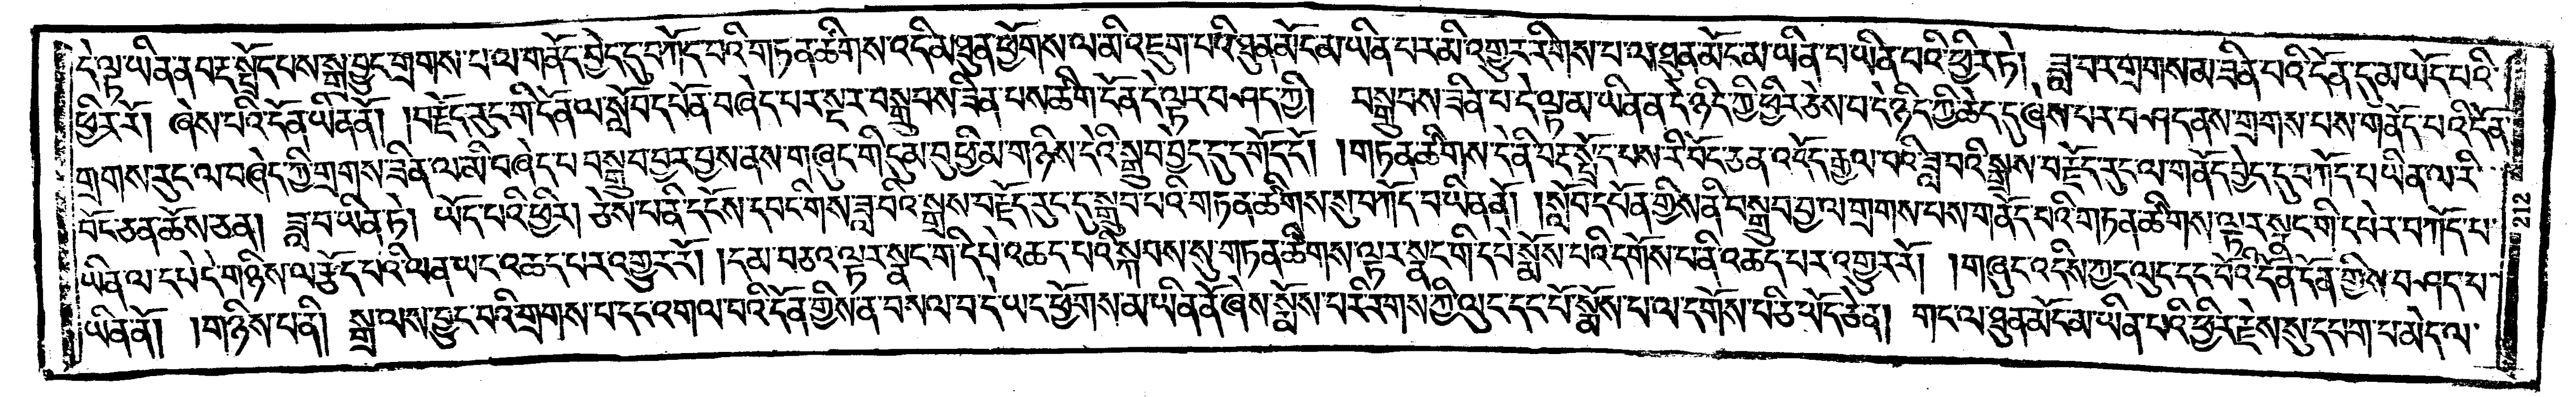དེ་ལྟ་ཡིན་ན་བརྡ་སྤྲོད་པས་སྒྲ་བྱུང་གྲགས་པ་ལ་གནོད་བྱེད་དུ་བཀོད་པའི་གཏན་ཚིགས་འདི་མཐུན་ཕྱོགས་ལ་མི་འཇུག་པའི་ཐུན་མོང་མ་ཡིན་པར་མི་འགྱུར་རིགས་པ་ལ་ཐུན་མོང་མ་ཡིན་པ་ཡིན་པའི་ཕྱིར་ཏེ། ཟླ་བར་གྲགས་མ་ཟིན་པའི་དོན་དུ་མ་ཡོད་པའི་
ཕྱིར་རོ། ཞེས་པའི་དོན་ཡིན་ནོ། །བརྗོད་རུང་གི་དོན་ལ་སློབ་དཔོན་བཞེད་པར་སྔར་བསྒྲུབས་ཟིན་པས་ཚིག་དོན་དེ་ལྟར་བཤད་ཀྱི། བསྒྲུབས་ཟིན་པ་དེ་ལྟ་མ་ཡིན་ན་དེ་ཉིད་ཀྱི་ཕྱིར་ཅེས་པ་དེ་ཉིད་ཀྱི་ཆེད་དུ་ཞེས་པར་བཤད་ནས་གྲགས་པས་གནོད་པའི་དོན་
གྲགས་རུང་ལ་བཞེད་ཀྱི་གྲགས་ཟིན་ལ་མི་བཞེད་པ་བསྒྲུབ་བྱར་བྱས་ནས་གཞུང་གི་དུམ་བུ་ཕྱི་མ་གཉིས་དེའི་སྒྲུབ་བྱེད་དུ་དགོད་དོ། །གཏན་ཚིགས་དེ་ནི་བརྡ་སྤྲོད་པས་རི་བོང་ཅན་འདོད་རྒྱལ་བའི་ཟླ་བའི་སྒྲས་བརྗོད་རུང་ལ་གནོད་བྱེད་དུ་བཀོད་པ་ཡིན་ལ་རི་
བོང་ཅན་ཆོས་ཅན། ཟླ་བ་ཡིན་ཏེ། ཡོད་པའི་ཕྱིར། ཅེས་པ་ནི་དངོས་དབང་གིས་ཟླ་བའི་སྒྲས་བརྗོད་རུང་དུ་སྒྲུབ་པའི་གཏན་ཚིགས་སུ་བཀོད་པ་ཡིན་ནོ། །སློབ་དཔོན་གྱིས་ནི་བསྒྲུབ་བྱ་ལ་གྲགས་པས་གནོད་པའི་གཏན་ཚིགས་ལྟར་སྣང་གི་དཔེར་བཀོད་པ་
ཡིན་ལ་དཔེ་དེ་གཉིས་ལ་རྩོད་པའི་ལན་ཡང་འཆད་པར་འགྱུར་རོ། །དམ་བཅའ་ལྟར་སྣང་གི་དཔེ་འཆད་པའི་སྐབས་སུ་གཏན་ཚིགས་ལྟར་སྣང་གི་དཔེ་སྨོས་པའི་དགོས་པ་ནི་འཆད་པར་འགྱུར་རོ། །གཞུང་འདིས་ཀྱང་ལུང་དང་པོའི་དོན་དོན་གྱིས་བཤད་པ་
ཡིན་ནོ། །གཉིས་པ་ནི། སྒྲ་ལས་བྱུང་བའི་གྲགས་པ་དང་འགལ་བའི་དོན་གྱིས་ན་བསལ་བ་དེ་ཡང་ཕྱོགས་མ་ཡིན་ནོ་ཞེས་སྨོས་པ་རིགས་ཀྱི་ལུང་དང་པོ་སྨོས་པ་ལ་དགོས་པ་ཅི་ཡོད་ཅེ་ན། གང་ལ་ཐུན་མོང་མ་ཡིན་པའི་ཕྱིར་རྗེས་སུ་དཔག་པ་མེད་ལ་